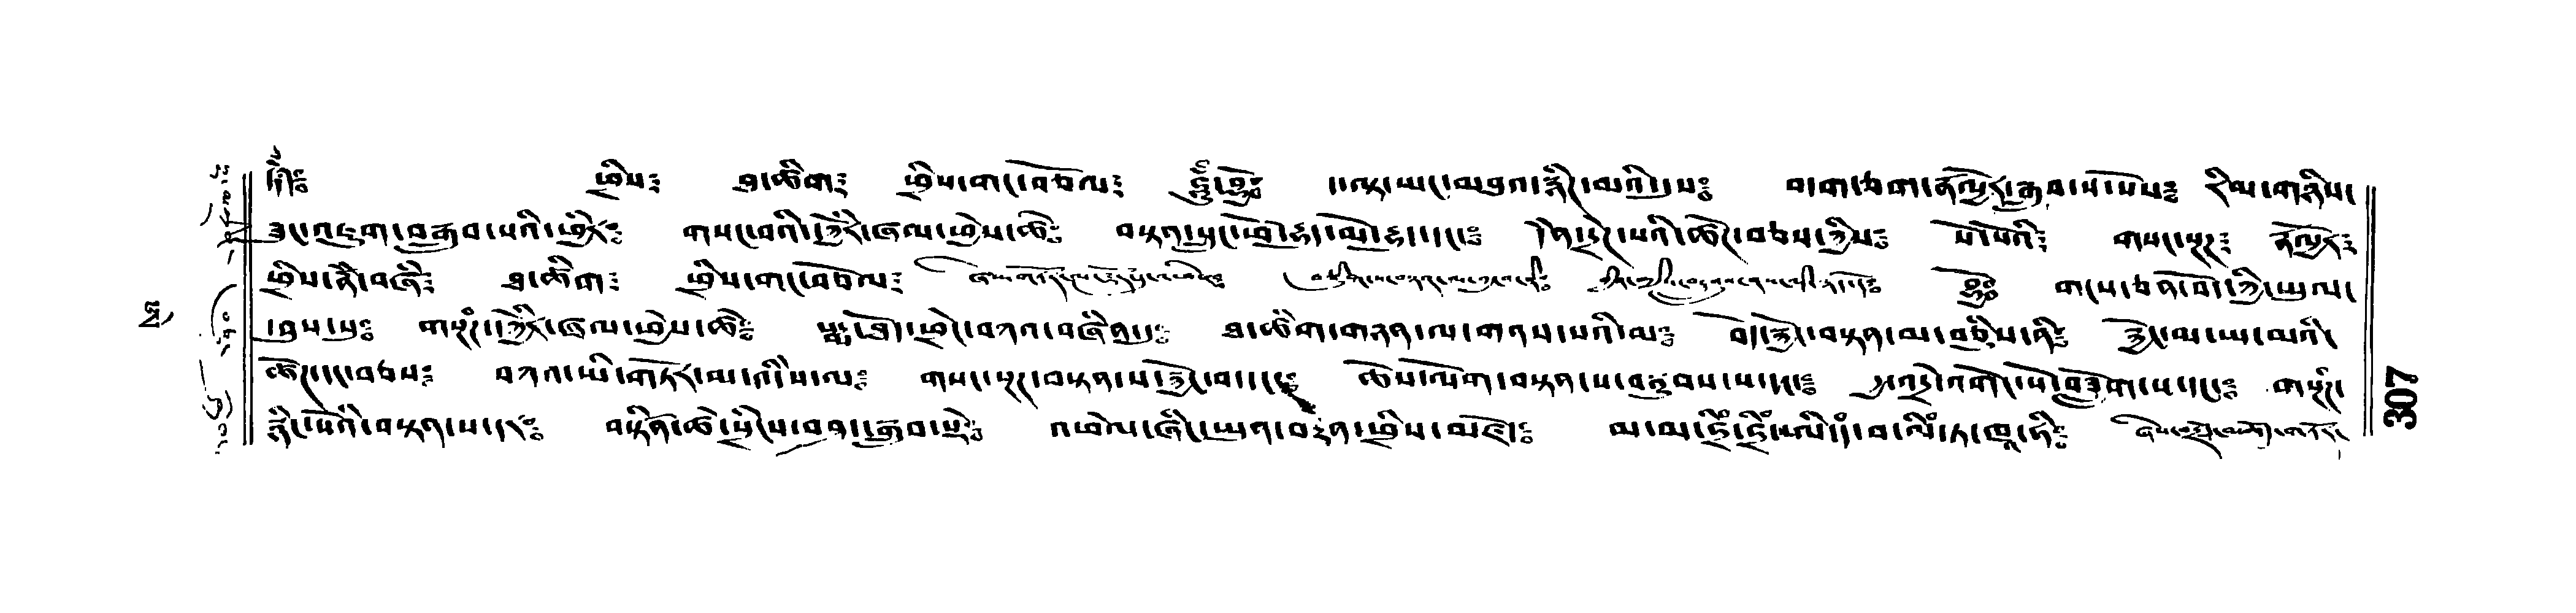ཕྲིན་ལས༴ ཐ་ཚིག༴ ཕྲིན་ལས་གང་བཅོལ༴ ཧཱུྃ་བྷྱོ༔ ད་ལྟ་ཡང་མཐའ་སྙིགས་མའི་དུས༔ བདག་ཅག་རྣལ་འབྱོར་སྒྲུབ་པ་པོས༔ རིམ་གཉིས་
ཟུང་འཇུག་བསྒྲུབ་པའི་ཕྱིར༔ གསང་བའི་དཀྱིལ་འཁོར་ཞལ་ཕྱེས་ཚེཿབསྟན་སྲུང་ཕོ་རྒྱུད་མོ་རྒྱུད་དང༔ དམ་ཅན་དྲེགས་པའི་ཚོགས་བཅས་ཀྱིས༔ སོ་སོའི༴ གསང་སྔགས༴ རྣལ་འབྱོར༴ 
ཕྲིན་ལས་རྣམ་བཞི༴ ཐ་ཚིག༴ ཕྲིན་ལས་གང་བཅོལ༴ ཞེས་གཏོར་མ་ཟོར་དུ་འཕེན༔ བཅུ་གཅིག་པ་བསྟན་མ་བྱ་བ་ནི༔ བྱིན་གྱིས་བརླབས་ནས་འདི་སྐད་དོ༔ བྷྱོ༔ གངས་ཅན་བོད་ཀྱི་ཡུལ་
དབུས་སུ༔ གསང་སྔགས་དཀྱིལ་འཁོར་ཞལ་ཕྱེས་ཚེ༔ པདྨ་ཐོད་ཕྲེང་བཀའ་བཞིན་དུ༔ ཐ་ཚིག་གཉན་ལ་གནས་པའི་མ༔ བོད་སྐྱོང་བསྟན་མ་བཅུ་གཉིས་ནི༔ སྐྱོང་མ་ཡ་མའི་
ཚོགས་དང་བཅས༔ བཀའ་ཡི་གཏོར་མ་འདི་བཞེས་ལ༔ གསང་སྔགས་བསྟན་པ་སྐྱོང་བ་དང༔ ཆོས་ལོག་བསྟན་པ་བསྣུབ་པ་དང༔ རྒྱ་འདྲེ་འགོང་པོ་བཟློག་པ་དང༔ གསང་སྔགས་
སྙིང་པོའི་བསྟན་པ་དར༔ བསྟན་འཛིན་ཚེ་སྲིངས་བཤད་སྒྲུབ་སྡེ༔ འཕེལ་ཞིང་ཡུན་བརྟན་ཕྲིན་ལས་མཛོདཿ མ་མ་ཧྲིཾ་ཧྲིཾ་ཨི་དཾ་བ་ལིཾ་ཏ་ཁཱ་ཧི༔ ཞེས་བརྗོད་མཆོད་གཏོར་